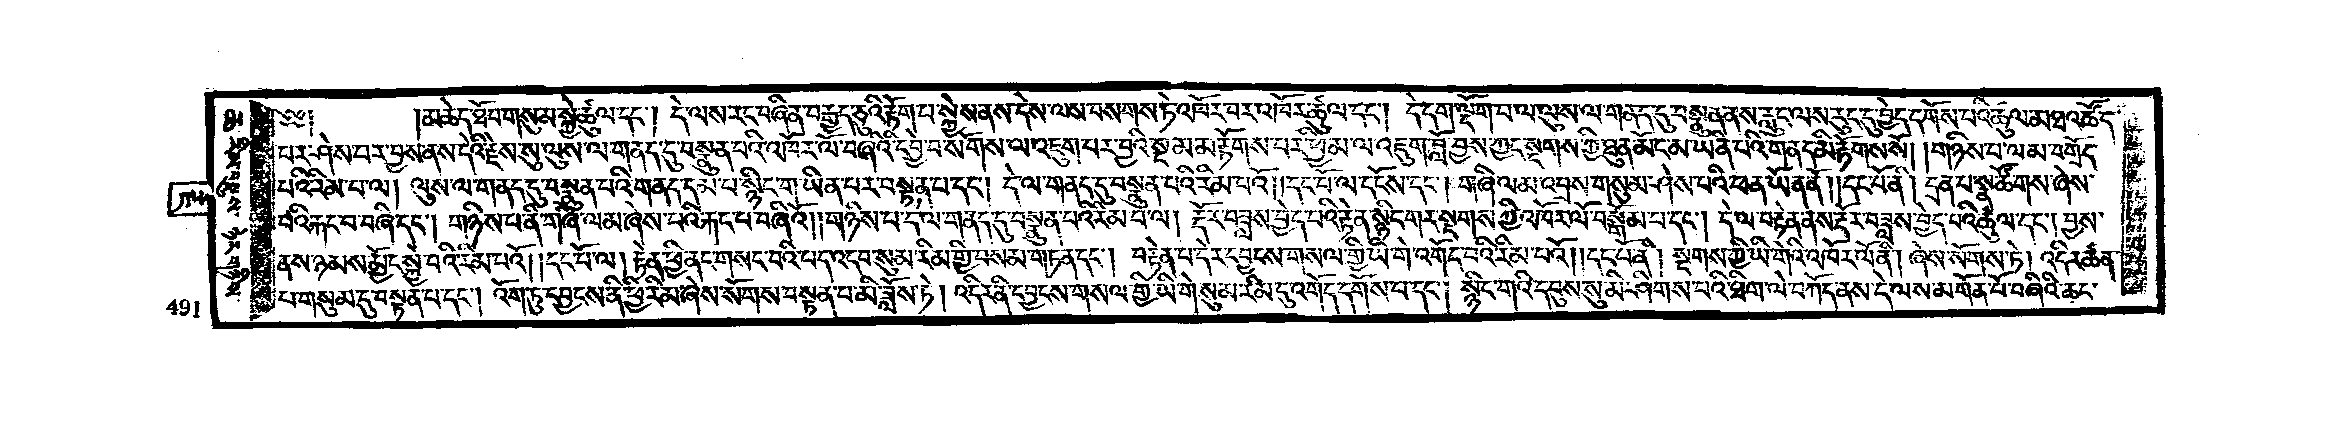༄༅། །མཆེད་ཐོབ་གསུམ་སྐྱེ་ཚུལ་དང་། དེ་ལས་རང་བཞིན་བརྒྱད་ཅུའི་རྟོག་པ་སྐྱེས་ནས་དེས་ལས་བསགས་ཏེ་འཁོར་བར་འཁོར་ཚུལ་དང་། དེ་དག་ལྡོག་བ་ལ་ལུས་ལ་གནད་དུ་བསྣུན་ནས་རླུང་ལས་རུང་དུ་བྱེད་དགོས་པའི་ཚུལ་མཐའ་ཆོད་
པར་ཤེས་པར་བྱས་ནས་དེའི་རྗེས་སུ་ལུས་ལ་གནད་དུ་བསྣུན་པའི་འཁོར་ལོ་བཞིའི་དབྱེ་བ་སོགས་ལ་འཇུག་པར་བྱའི་སྔ་མ་མ་རྟོགས་པར་ཕྱི་མ་ལ་འཇུག་བློ་བྱས་ཀྱང་སྔགས་ཀྱི་ཐུན་མོང་མ་ཡིན་པའི་གནད་མི་རྟོགས་སོ། །གཉིས་པ་ལམ་བགྲོད་
པའི་རིམ་པ་ལ། ལུས་ལ་གནད་དུ་བསྣུན་པའི་གནད་དམ་པ་སྙིང་ག་ཡིན་པར་བསྟན་པ་དང་། དེ་ལ་གནད་དུ་བསྣུན་པའི་རིམ་པའོ། །དང་པོ་ལ་དངོས་དང་། གཞི་ལམ་འབྲས་གསུམ་ཤེས་པའི་ཕན་ཡོན་ནོ། །དང་པོ་ནི། དྲན་པ་སྣ་ཚོགས་ཞེས་
པའི་རྐང་པ་བཞི་དང་། གཉིས་པ་ནི་གཞི་ལམ་ཞེས་པའི་རྐང་པ་བཞིའོ། །གཉིས་པ་དེ་ལ་གནད་དུ་བསྣུན་པའི་རིམ་པ་ལ། རྡོར་བཟླས་བྱེད་པའི་རྟེན་སྙིང་གར་སྔགས་ཀྱི་འཁོར་ལོ་བསྒོམ་པ་དང་། དེ་ལ་བརྟེན་ནས་རྡོར་བཟླས་བྱེད་པའི་ཚུལ་དང་། བྱས་
ནས་ཉམས་མྱོང་སྐྱེ་བའི་རིམ་པའོ། །དང་པོ་ལ། རྟེན་ཕྱི་ནང་གསང་བའི་པད་འདབ་སུམ་རིམ་གྱི་བསམ་གཏན་དང་། བརྟེན་པ་དེར་དབྱངས་གསལ་གྱི་ཡི་གེ་འགོད་པའི་རིམ་པའོ། །དང་པོ་ནི། སྔགས་ཀྱི་ཡི་གེའི་འཁོར་ལོ་ནི། ཞེས་སོགས་ཏེ། འདིར་ཚན་
པ་གསུམ་དུ་བསྟན་པ་དང་། འོག་ཏུ་དབྱངས་ནི་ཕྱི་རིམ་ཞེས་སོགས་བསྟན་པ་མི་ཟློས་ཏེ། འདིར་ནི་དབྱངས་གསལ་གྱི་ཡི་གེ་སུམ་རིམ་དུ་འགོད་དགོས་པ་དང་། སྙིང་གའི་དབུས་སུ་མི་ཤིགས་པའི་ཐིག་ལེ་བཀོད་ནས་དེ་ལས་མགོན་པོ་བཞིའི་རླུང་